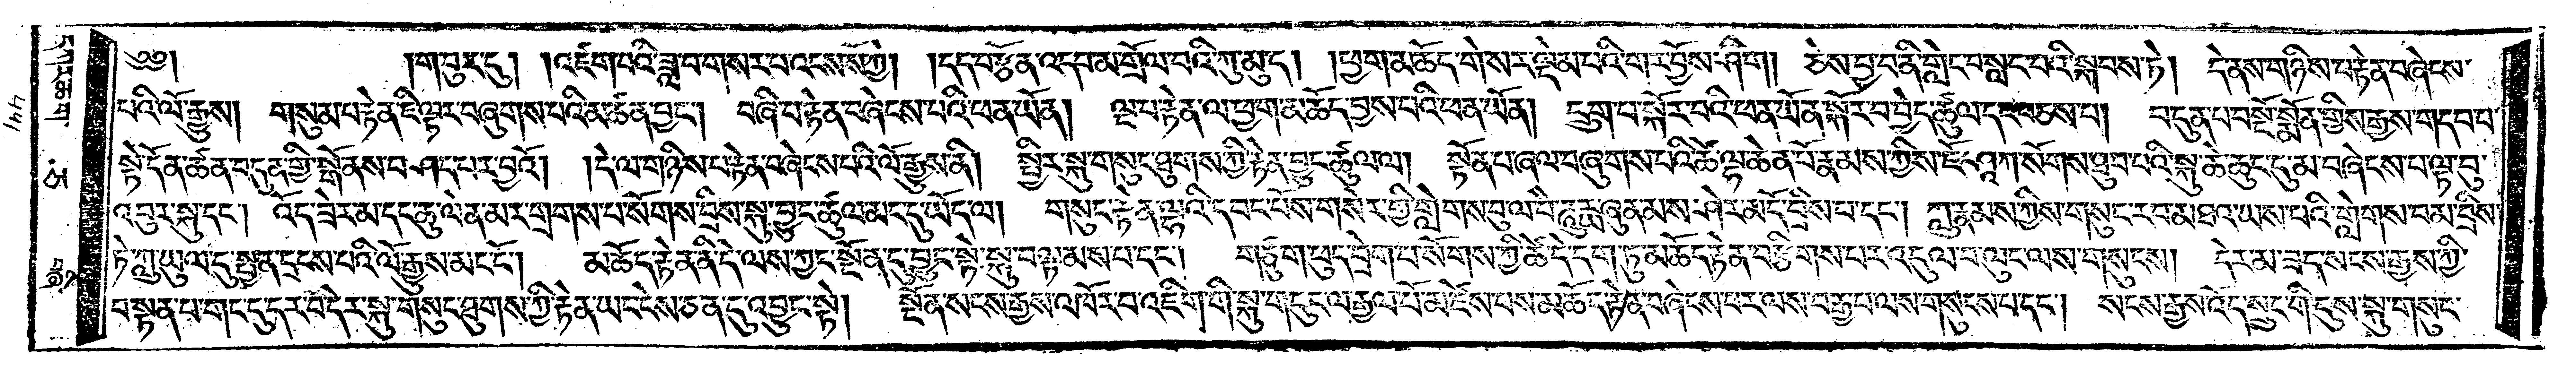༄༅། །ག་བུར་དུ། །འཛག་བའི་ཟླ་བ་གསར་བ་འོངས་སོ་ཀྱེ། །དད་བརྩོན་འདབ་མ་གྲོལ་བའི་ཀུ་མུ་ད། །ཕྱག་མཆོད་གེ་སར་ལྡེམ་བའི་གར་བྱོས་ཤིག། ཅེས་བྱ་བ་ནི་གླེང་བསླང་བའི་སྐབས་ཏེ། དེ་ནས་གཉིས་བརྟེན་བཞེངས་
པའི་ལོ་རྒྱུས། །གསུམ་བརྟེན་ཇི་ལྟར་བཞུགས་པའི་མཚན་བྱང་། བཞི་པ་རྟེན་བཞེངས་པའི་ཕན་ཡོན། །ལྔ་པ་རྟེན་ལ་ཕྱག་མཆོད་བྱས་པའི་ཕན་ཡོན། དྲུག་པ་སྐོར་བའི་ཕན་ཡོན་སྐོར་བ་བྱེད་ཚུལ་དང་བཅས་པ། བདུན་པ་བསྔོ་སྨོན་གྱིས་རྒྱས་གདབ་པ་
སྟེ་དོན་ཚན་བདུན་གྱི་སྒོ་ནས་བཤད་པར་བྱའོ། །དེ་ལ་གཉིས་བརྟེན་བཞེངས་པའི་ལོ་རྒྱུས་ནི། སྦྱིར་སྐུ་གསུང་ཐུགས་ཀྱི་རྟེན་བྱུང་ཚུལ་ལ། སྟོན་པ་ཞལ་བཞུགས་པའི་ཚེ་ལྷ་ཆེན་པོ་རྣམས་ཀྱིས་ཇོ་ཤཱ་ཀ་སོགས་ཐུབ་པའི་སྐུ་ཆེ་ཆུང་དུ་མ་བཞེངས་པ་ལྟ་བུ་
འབུར་སྐུ་དང་། འོད་ཟེར་མ་དང་ཆུ་ལེན་མར་གྲགས་པ་སོགས་བྲིས་སྐུ་བྱུང་ཚུལ་མང་དུ་ཡོད་ལ། གསུང་རྟེན་ལྷའི་དབང་པོས་གསར་གྱི་གླེགས་བུ་ལ་བཻཊཱུ་རྱ་ཞུན་མས་ཤེར་མདོ་བྲིས་པ་དང་། ཀླུ་རྣམས་ཀྱིས་གསུང་རབ་མཐའ་ཡས་བའི་གླེགས་བམ་བྲིས་
ཏེ་ཀླུ་ཡུལ་དུ་སྤྱན་དྲངས་པའི་ལོ་རྒྱུས་མང་ངོ། མཆོད་རྟེན་ནི་དེ་ལས་ཀྱང་སྔོན་དུ་བྱུང་སྟེ་སྐུ་བལྟམས་བ་དང་། གཙུག་ཕུད་བྲེག་པ་སོགས་ཀྱི་ཚེ་དེ་དག་ཏུ་མཆོད་རྟེན་བརྩིགས་པར་འདུལ་བ་ལུང་ལས་གསུངས། དེར་མ་ཟད་སངས་རྒྱས་ཀྱི་
བསྟན་བ་གང་དུ་དར་བ་དེར་སྐུ་གསུང་ཐུགས་ཀྱི་རྟེན་ཡང་ངེས་ཅན་དུ་འབྱུང་སྟེ། སྔོན་སངས་རྒྱས་འཁོར་བ་འཇིག་གི་སྐུ་གདུང་ལ་རྒྱལ་པོ་མཛེས་པས་མཆོད་རྟེན་བཞེངས་པར་ལས་བརྒྱ་པ་ལས་གསུངས་པ་དང་། སངས་རྒྱས་འོད་སྲུང་གི་དུས་སྐུ་གསུང་